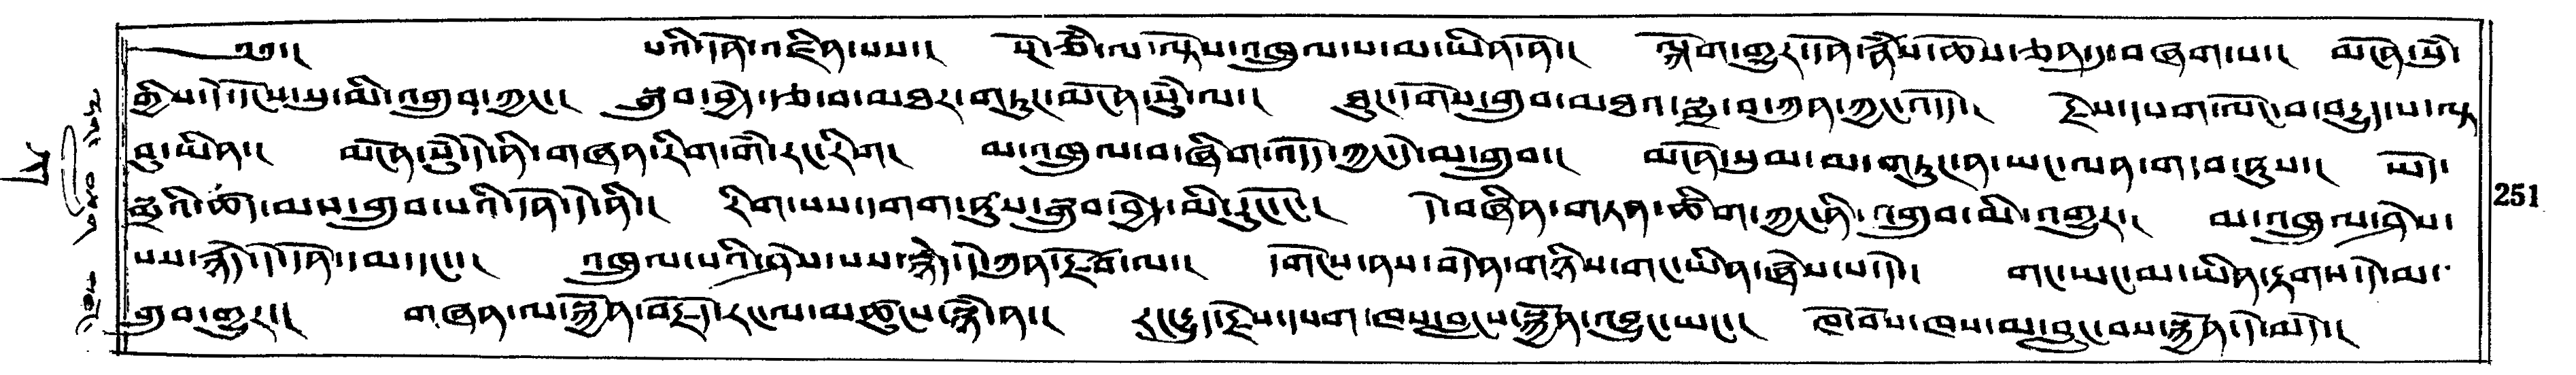པའི་དོན་འཛིན་པས། །སྔོ་ཙམ་ལ་ལྟོས་འཁྲུལ་པ་མ་ཡིན་ནོ། །ལྐོག་གྱུར་དོན་རྣམས་ཆོས་ཅན་དུ་བཞག་པ། །མངོན་སུམ་
གྱིས་དེ་དངོས་སུ་མི་འགྲུབ་ཀྱང་། །སྒྲུབ་བྱེད་རྩ་བ་མཐར་གཏུགས་མངོན་སུམ་ལ། །ཐུགས་དགོས་གྲུབ་མཐའ་སྨྲ་བ་ཀུན་ཀྱང་འདོད། །རྗེས་དཔག་ལོང་བ་བརྒྱུད་པ་ལྟ་
བུ་ཡིན། །མངོན་སུམ་དེ་ནི་གཞན་རིག་གམ་རང་རིག།མ་འཁྲུལ་བ་ཞིག་འདོད་ཀྱང་དེ་མ་གྲུབ། །མངོན་སུམ་མ་གཏུགས་ན་ཡང་ལན་གདབ་ནུས། །ཡོད་
སྨྲའི་ཚད་མས་གྲུབ་པའི་དོན་དེ་ནི། །རིགས་པས་དགག་ནུས་སྒྲུབ་བྱེད་མི་རུང་ངོ་། །དེ་བཞིན་གཏན་ཚིགས་ཀྱང་ནི་འགྲུབ་མི་འགྱུར། །མ་འཁྲུལ་ཤེས་
པས་རྙེད་དེ་དོན་དམ་དང་། །འཁྲུལ་པའི་ཤེས་པས་རྙེད་དེ་ཀུན་རྫོབ་ལ། །དགོངས་ནས་བདེན་གཉིས་གང་ཡིན་ཞེས་པ་དེ། །གང་ཡང་མ་ཡིན་རྟགས་དེ་མ་
གྲུབ་གྱུར། །གཞན་ལ་སྐྱོན་བརྗོད་རང་ལ་མཚུངས་སྙམ་ན། །རང་རྒྱུད་རྗེས་དཔག་ཁས་བླངས་སྐྱོན་འབྱུང་ཡང་། ཁོ་བོས་ཁས་མ་བླངས་བས་སྐྱོན་དེ་མེད། །